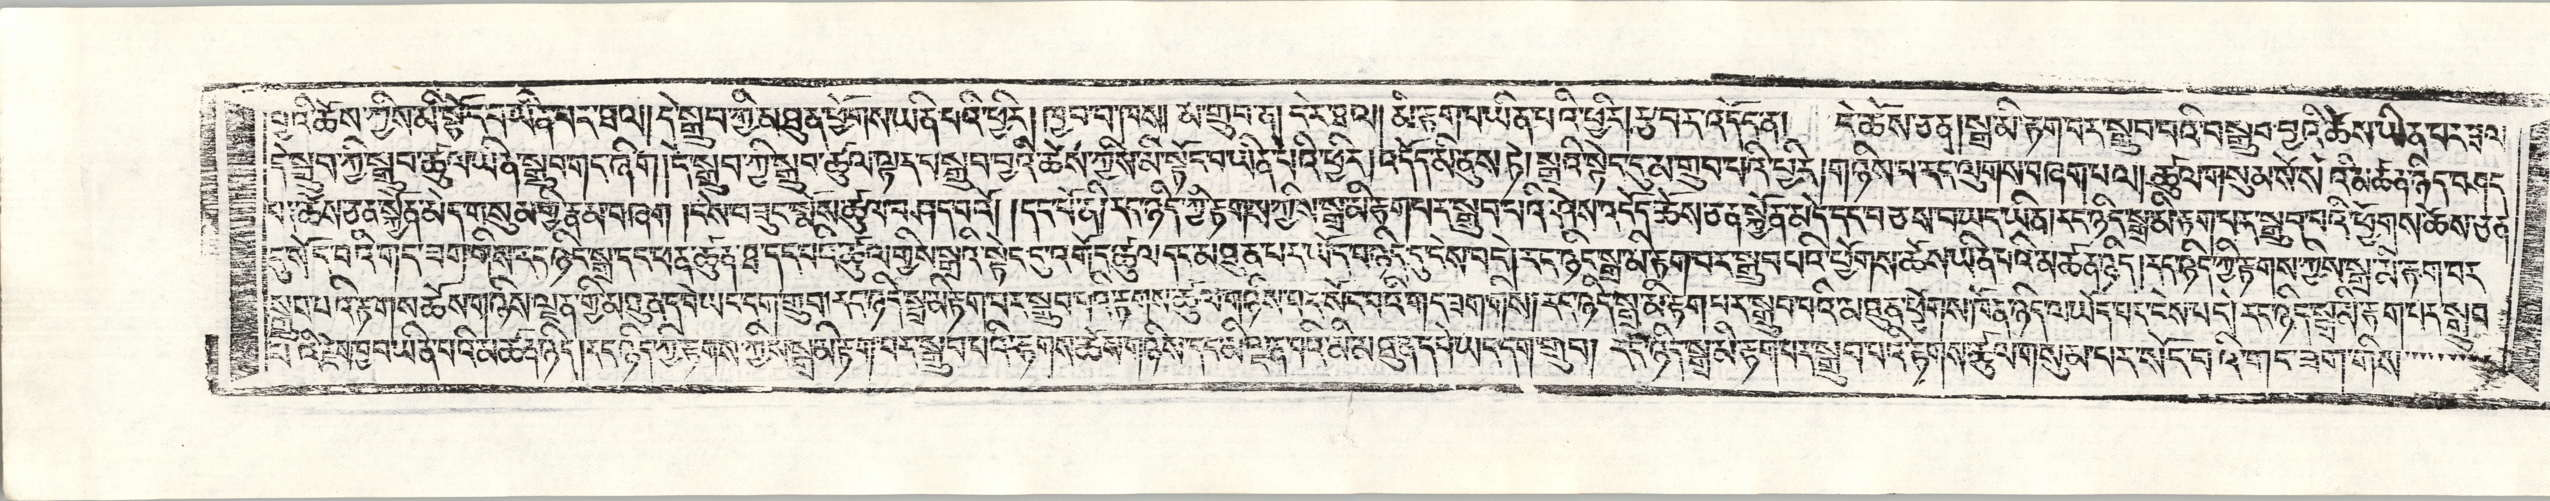བྱའི་ཆོས་ཀྱིས་མི་སྟོང་བ་ཡིན་པར་ཐལ། དེ་སྒྲུབ་ཀྱི་མཐུན་ཕྱོགས་ཡིན་པའི་ཕྱིར། ཁྱབ་པ་ཁས། མ་གྲུབ་ན། དེར་ཐལ། མི་རྟག་པ་ཡིན་པའི་ཕྱིར། རྩ་བར་འདོད་ན། དེ་ཆོས་ཅན། སྒྲ་མི་རྟག་པར་སྒྲུབ་པའི་བསྒྲུབ་བྱའི་ཆོས་ཡིན་པར་ཐལ།
དེ་སྒྲུབ་ཀྱི་སྒྲུབ་ཚུལ་ཡིན་སྒྲུབ་གང་ཞིག །དེ་སྒྲུབ་ཀྱི་སྒྲུབ་ཚུལ་ལྟར་བསྒྲུབ་བྱའི་ཆོས་ཀྱིས་མི་སྟོང་བ་ཡིན་པའི་ཕྱིར། འདོད་མི་ནུས་ཏེ། སྒྲའི་སྟེང་དུ་མ་གྲུབ་པའི་ཕྱིར། གཉིས་པ་རང་ལུགས་བཞག་པ་ལ། ཚུལ་གསུམ་སོ་སོའི་མཚན་ཉིད་བཤད་
པ། ཆོས་ཅན་སྐྱོན་མེད་གསུམ་གྱི་རྣམ་བཞག །ངེས་བཟུང་སྨོས་ཚུལ་བཤད་པའོ། །དང་པོ་ནི། རང་ཉིད་ཀྱི་རྟགས་ཀྱིས་སྒྲ་མི་རྟག་པར་སྒྲུབ་པའི་ཤེས་འདོད་ཆོས་ཅན་སྐྱོན་མེད་དང་བཅས་པ་ཡང་ཡིན། རང་ཉིད་སྒྲ་མི་རྟག་པར་སྒྲུབ་པའི་ཕྱོགས་ཆོས་ཅན་
དུ་སོང་པའི་གང་ཟག་གིས་རང་ཉིད་སྒྲ་དང་ཕན་ཚུན་ཐ་དད་པའི་ཚུལ་གྱིས་སྒྲའི་སྟེང་དུ་འགོད་ཚུལ་དང་མཐུན་པར་ཡོད་པ་ཉིད་དུ་ངེས་པ་དེ། རང་ཉིད་སྒྲ་མི་རྟག་པར་སྒྲུབ་པའི་ཕྱོགས་ཆོས་ཡིན་པའི་མཚན་ཉིད། རང་ཉིད་ཀྱི་རྟགས་ཀྱིས་སྒྲ་མི་རྟག་པར་
སྒྲུབ་པའི་རྟགས་ཆོས་གཉིས་ལྡན་གྱི་མཐུན་དཔེ་ཡང་དག་གྲུབ། རང་ཉིད་སྒྲ་མི་རྟག་པར་སྒྲུབ་པའི་རྟགས་ཚུལ་གཉིས་པར་སོང་བའི་གང་ཟག་གིས། རང་ཉིད་སྒྲ་མི་རྟག་པར་སྒྲུབ་པའི་མཐུན་ཕྱོགས་ཁོ་ན་ཉིད་ལ་ཡོད་པར་ངེས་པ་དེ། རང་ཉིད་སྒྲ་མི་རྟག་པར་སྒྲུབ་
པའི་རྗེས་ཁྱབ་ཡིན་པའི་མཚན་ཉིད། རང་ཉིད་ཀྱི་རྟགས་ཀྱིས་སྒྲ་མི་རྟག་པར་སྒྲུབ་པའི་རྟགས་ཆོས་གཉིས་དང་མི་ལྡན་པའི་མི་མཐུན་དཔེ་ཡང་དག་གྲུབ། རང་ཉིད་སྒྲ་མི་རྟག་པར་སྒྲུབ་པའི་རྟགས་ཚུལ་གསུམ་པར་སོང་བའི་གང་ཟག་གིས་